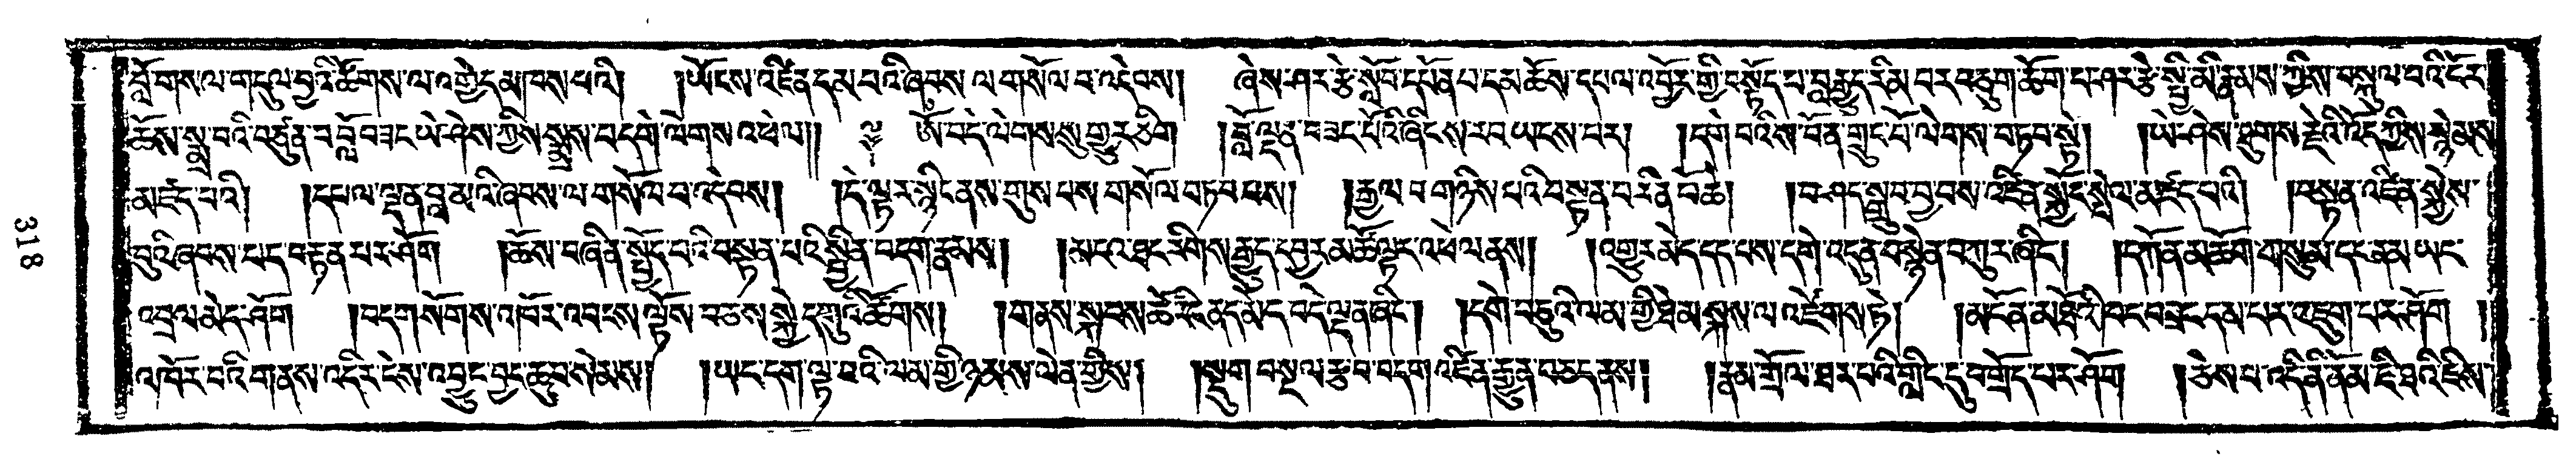བློ་གསལ་གདུལ་བྱའི་ཚོགས་ལ་འགྱེད་མཁས་པའི། །ཡོངས་འཛིན་དམ་པའི་ཞབས་ལ་གསོལ་བ་འདེབས། ཞེས་ཤར་རྩེ་སློབ་དཔོན་བ་དམ་ཆོས་དཔལ་འབྱོར་གྱི་བསྟོད་པ་བླ་རྒྱུད་རིམ་བར་བཅུག་ཆོག་པ་ཤར་རྩེ་སྤྱི་མི་རྣམས་ཀྱིས་བསྐུལ་བའི་ངོར་
ཆོས་སྨྲ་བའི་བཙུན་བ་བློ་བཟང་ཡེ་ཤེས་ཀྱིས་སྨྲས་བ་དགེ་ལེགས་འཕེལ།།༈ ཨོཾ་བདེ་ལེགས་སུ་གྱུར་ཅིག །བློ་ལྡན་བཟང་པོའི་ཞིང་ས་རབ་ཡངས་པར། །དགེ་བའི་ས་བོན་གྲུང་པོ་ལེགས་བཏབ་སྟེ། །ཡེ་ཤེས་ཐུགས་རྗེའི་འོད་ཀྱིས་སྙེམས་
མཛད་པའི། །དཔལ་ལྡན་བླ་མའི་ཞབས་ལ་གསོལ་བ་འདེབས། །དེ་ལྟར་སྙིང་ནས་གུས་པས་གསོལ་བཏབ་པས། །རྒྱལ་བ་གཉིས་པའི་བསྟན་པ་རིན་པོ་ཆེ། །བཤད་སྒྲུབ་བྱ་བས་འཛིན་སྐྱོང་སྤེལ་མཛད་པའི། །བསྟན་འཛིན་སྐྱེས་
བུའི་ཞབས་པད་བརྟན་པར་ཤོག །ཆོས་བཞིན་སྤྱོད་པའི་བསྟན་པའི་སྦྱིན་བདག་རྣམས། །མངའ་ཐང་རིགས་རྒྱུད་དབྱར་མཚོ་ལྟར་འཕེལ་ནས། །འགྱུར་མེད་དད་པས་དགེ་འདུན་བསྙེན་བཀུར་ཞིང་། །དཀོན་མཆོག་གསུམ་དང་ནམ་ཡང་
འབྲལ་མེད་ཤོག །བདག་སོགས་འཁོར་འབངས་ལྟོས་བཅས་སྐྱེ་དགུའི་ཚོགས། །གནས་སྐབས་ཚེ་རིང་ནད་མེད་བདེ་ལྡན་ཞིང་། །དགེ་བཅུའི་ལམ་གྱི་ཐེམ་སྐས་ལ་འཛེགས་ཏེ། །མངོན་མཐོའི་ཁང་བཟང་དམ་པར་འཇུག་པར་ཤོག།
འཁོར་བའི་གནས་འདིར་ངེས་འབྱུང་བྱང་ཆུབ་སེམས། །ཡང་དག་ལྟ་བའི་ལམ་གྱི་ཉམས་ལེན་གྱིས། །སྡུག་བསྔལ་རྩ་བ་བདག་འཛིན་རྒྱུན་བཅད་ནས། །རྣམ་གྲོལ་ཐར་པའི་གླིང་དུ་བགྲོད་པར་ཤོག །ཅེས་པ་འདི་ནི་ནོམ་ཇི་ཐའི་ཇིས་